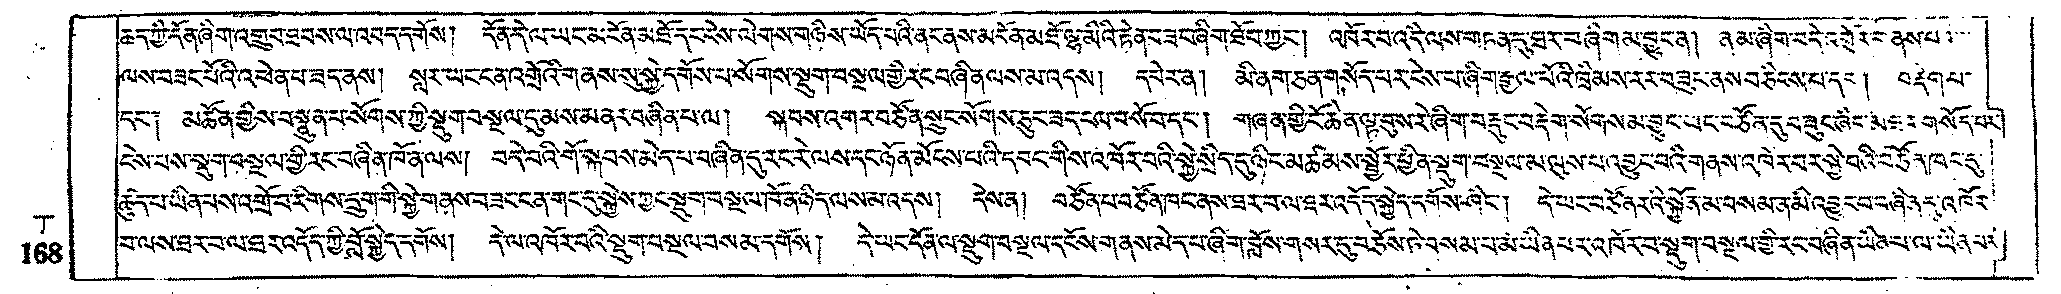ཆད་ཀྱི་དོན་ཞིག་འགྲུབ་ཐབས་ལ་འབད་དགོས། དོན་དེ་ལ་ཡང་མངོན་མཐོ་དང་ངེས་ལེགས་གཉིས་ཡོད་པའི་ནང་ནས་མངོན་མཐོ་ལྷ་མིའི་རྟེན་བཟང་ཞིག་ཐོབ་ཀྱང་། འཁོར་བ་འདི་ལས་གཏན་དུ་ཐར་བ་ཞིག་མ་བྱུང་ན། ནམ་ཞིག་བདེ་འགྲོར་གནས་པའི་་་
ལས་བཟང་པོའི་འཕེན་པ་ཟད་ནས། སླར་ཡང་ངན་འགྲོའི་གནས་སུ་སྐྱེ་དགོས་པ་སོགས་སྡུག་བསྔལ་གྱི་རང་བཞིན་ལས་མ་འདས། དཔེར་ན། མི་ནག་ཅན་གསོད་པར་ངེས་པ་ཞིག་རྒྱལ་པོའི་ཁྲིམས་རར་བཟུང་ནས་བཅིངས་པ་དང་། བརྡེག་པ་
དང༑ མཚོན་གྱིས་བསྣུན་པ་སོགས་ཀྱི་སྡུག་བསྔལ་དུ་མས་མནར་བཞིན་པ་ལ། སྐབས་འགར་བཙོན་སྲུང་སོགས་ཅུང་ཟད་ངལ་བསོ་བ་དང་། གཞན་གྱི་ངོ་ཆེན་ལྟ་བུས་རེ་ཞིག་བརྡུང་བརྡེག་སོགས་མ་བྱུང་ཡང་བཙོན་དུ་བཟུང་ཞིང་མཐར་གསོད་པར་
ངེས་པས་སྡུག་བསྔལ་གྱི་རང་བཞིན་ཁོ་ན་ལས། བདེ་བའི་གོ་སྐབས་མེད་པ་བཞིན་དུ་རང་རེ་ལས་དང་ཉོན་མོངས་པའི་དབང་གིས་འཁོར་བའི་སྐྱེ་སྲིད་དུ་ཉིང་མཚམས་སྦྱོར་ཕྱིན་སྡུག་བསྔལ་མ་ལུས་པ་འབྱུང་བའི་གནས་འཁོར་བར་སྐྱེ་བའི་བཙོན་ཁང་དུ་
ཚུད་པ་ཡིན་པས་འགྲོ་བ་རིགས་དྲུག་གི་སྐྱེ་གནས་བཟང་ངན་གང་དུ་སྐྱེས་ཀྱང་སྡུག་བསྔལ་ཁོ་ན་ཉིད་ལས་མ་འདས། དེས་ན། བཙོན་པ་བཙོན་ཁང་ནས་ཐར་བ་ལ་ཐར་འདོད་སྐྱེད་དགོས་ཤིང་། དེ་ཡང་བཙོན་རའི་སྐྱོན་མ་བསམ་ན་མི་འབྱུང་བ་བཞིན་དུ་འཁོར་
བ་ལས་ཐར་བ་ལ་ཐར་འདོད་ཀྱི་བློ་སྐྱེད་དགོས། དེ་ལ་འཁོར་བའི་སྡུག་བསྔལ་བསམ་དགོས། དེ་ཡང་དོན་ལ་སྡུག་བསྔལ་དངོས་གནས་མེད་པ་ཞིག་བློས་གསར་དུ་བཅོས་ཏེ་བསམ་པ་མ་ཡིན་པར་འཁོར་བ་སྡུག་བསྔལ་གྱི་རང་བཞིན་ཡིན་པ་ལ་ཡིན་པར་